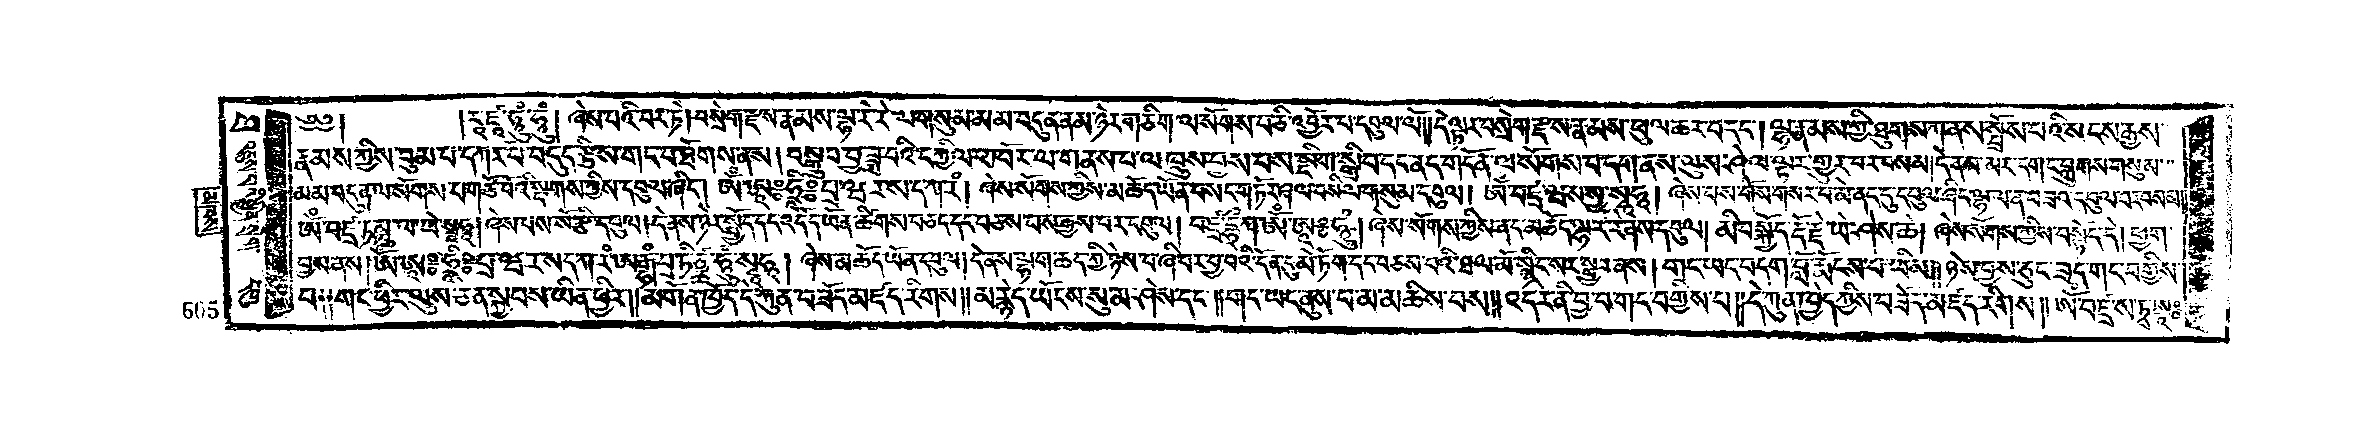༄༅། །རཱ་ཛཱ་ཧཱུཾ་ཧཱུཾ། ཞེས་པའི་བར་ཏེ། བསྲེག་རྫས་རྣམས་ལྷ་རེ་རེ་ལ་གསུམ་མམ་བདུན་ནམ་ཉེར་གཅིག་ལ་སོགས་པ་ཅི་འབྱོར་བ་དབུལ་ལོ། །དེ་ལྟར་བསྲེག་རྫས་རྣམས་ཕུལ་ཆར་བ་དང་། ལྷ་རྣམས་ཀྱི་ཐུགས་ཀ་ནས་སྤྲོས་པའི་སངས་རྒྱས་
རྣམས་ཀྱིས་བུམ་པ་དཀར་པོ་བདུད་རྩིས་གང་བ་ཐོགས་ནས། བསྒྲུབ་བྱ་ཟླ་བའི་དཀྱིལ་འཁོར་ལ་གནས་པ་ལ་ཁྲུས་བྱས་པས་སྡིག་སྒྲིབ་དང་ནད་གདོན་ལ་སོགས་པ་དག་ནས་ལུས་ཤེལ་ལྟར་གྱུར་བར་བསམ། །དེ་ནས་མར་དགང་བླུགས་གསུམ་
མམ་བདུན་ལ་སོགས་པ་གཙོ་བོའི་སྔགས་ཀྱིས་དབུལ་ཞིང་། ཨོཾ་ཨཱཿ ཧྲཱིཾཿ པྲ་ཝ་ར་སང་ད་རཾ། ཞེས་སོགས་ཀྱིས་མཆོད་ཡོན་བསང་གཏོར་ཞལ་བསིལ་གསུམ་དབུལ། ཨོཾ་བྫྲ་ཝས་སྱ་སྭཱ་ཧཱ། ཞེས་པས་གོས་གསར་བ་མེ་ནང་དུ་དབུལ་ཞིང་ལྷ་ལ་ན་བཟའ་དབུལ་བར་བསམ་
ཨོཾ་བྫྲ་ཏམཱུ་ལ་ཡེ་སVའ་ཧཱ། ཞེས་པས་སོ་རྩི་དབུལ། དེ་ནས་ཉེས་པ་ཡོད་དང་འདོད་ཡོན་ཚིགས་བཅད་དང་བཅས་པས་རྒྱས་པར་དབུལ། བྫྲ་དྷྲྀ་ཀ་ཨོཾ་ཨཱཿ ཧཱུཾ། ཞེས་སོགས་ཀྱིས་ནང་མཆོད་ལྷ་རེ་རེ་ནས་དབུལ། མི་བསྐྱོད་རྡོ་རྗེ་ཡེ་ཤེས་ཆེ། ཞེས་སོགས་ཀྱི་བསྟོད་དེ། ཕྱག་
བྱས་ནས། ཨོཾ་ཨཱཿ ཧྲཱིཿ པྲ་ཝ་ར་སད་ཀ་རཾ་ཨརགྷཾཨ་པྲ་ཏི་ཙཚ་ཧཱུཾ་སVའ་ཧཱ། ཞེས་མཆོད་ཡོན་དབུལ། དེ་ནས་ལྷག་ཆད་ཀྱི་ཉེས་པ་ཞི་བར་བྱ་བའི་དོན་དུ་མེ་ཏོག་དང་བཅས་པའི་ཐལ་མོ་སྙིང་སར་སྦྱར་ནས། གང་ཡང་བདག་བློ་རྨོངས་པ་ཡིས། །ཉེས་བྱས་ཅུང་ཟད་གང་བགྱིས་
པ། །གང་ཕྱིར་ལུས་ཅན་སྐྱབས་ཡིན་ཕྱིར། །མགོན་ཁྱོད་དེ་ཀུན་བཟོད་མཛོད་རིགས། །མ་རྙེད་ཡོངས་སུ་མ་ཤེས་དང་། །གང་ཡང་ནུས་པ་མ་མཆིས་པས། །འདིར་ནི་བྱ་བ་གང་བགྱིས་པ། །དེ་ཀུན་ཁྱེད་ཀྱི་བཟོད་མཛོད་རིགས། །ཨོཾ་བྫྲ་ས་ཏVཨ་ཨཱཿ